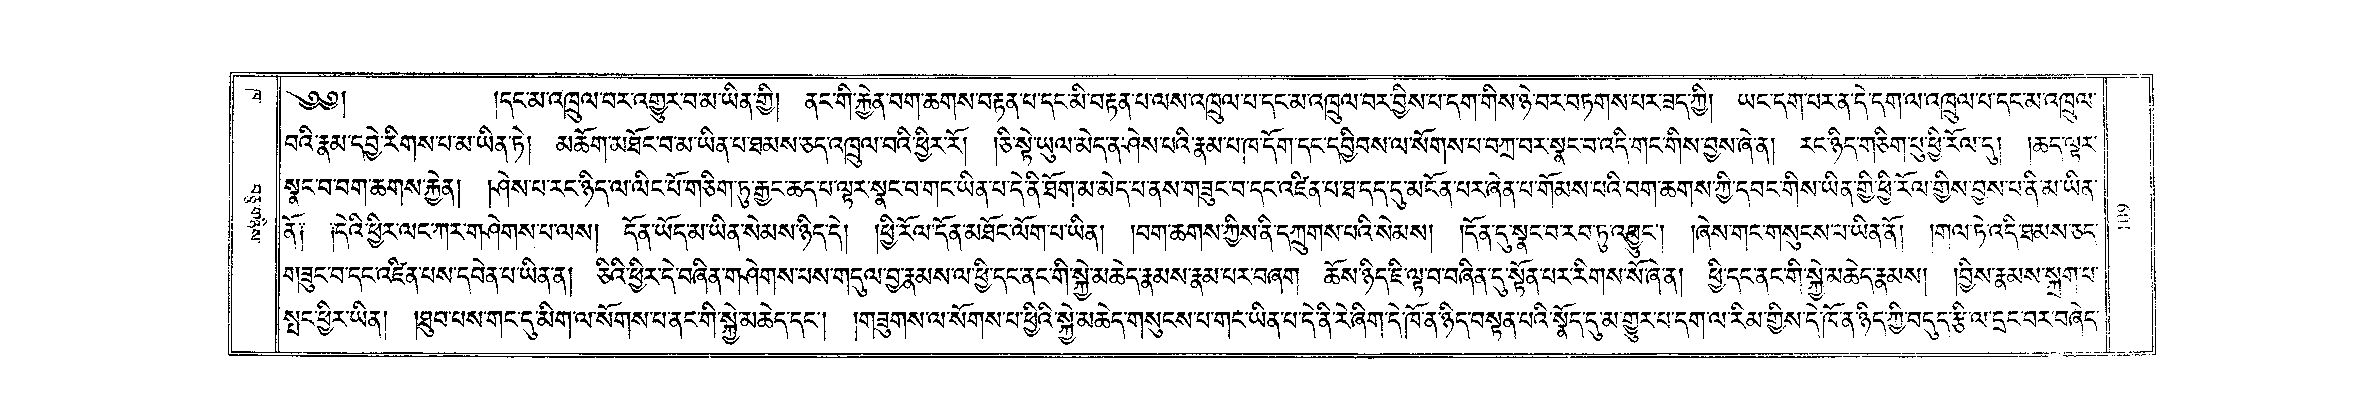༄༅། །དང་མ་འཁྲུལ་བར་འགྱུར་བ་མ་ཡིན་གྱི། ནང་གི་རྐྱེན་བག་ཆགས་བརྟན་པ་དང་མི་བརྟན་པ་ལས་འཁྲུལ་པ་དང་མ་འཁྲུལ་བར་བྱིས་པ་དག་གིས་ཉེ་བར་བཏགས་པར་ཟད་ཀྱི། ཡང་དག་པར་ན་དེ་དག་ལ་འཁྲུལ་པ་དང་མ་འཁྲུལ་
བའི་རྣམ་དབྱེ་རིགས་པ་མ་ཡིན་ཏེ། མཆོག་མཐོང་བ་མ་ཡིན་པ་ཐམས་ཅད་འཁྲུལ་བའི་ཕྱིར་རོ། །ཅི་སྟེ་ཡུལ་མེད་ན་ཤེས་པའི་རྣམ་པ་ཁ་དོག་དང་དབྱིབས་ལ་སོགས་པ་བཀྲ་བར་སྣང་བ་འདི་གང་གིས་བྱས་ཞེ་ན། རང་ཉིད་གཅིག་པུ་ཕྱི་རོལ་དུ། །ཆད་ལྟར་
སྣང་བ་བག་ཆགས་རྐྱེན། །ཤེས་པ་རང་ཉིད་ལ་ལིང་པོ་གཅིག་ཏུ་རྒྱང་ཆད་པ་ལྟར་སྣང་བ་གང་ཡིན་པ་དེ་ནི་ཐོག་མ་མེད་པ་ནས་གཟུང་བ་དང་འཛིན་པ་ཐ་དད་དུ་མངོན་པར་ཞེན་པ་གོམས་པའི་བག་ཆགས་ཀྱི་དབང་གིས་ཡིན་གྱི་ཕྱི་རོལ་གྱིས་བྱས་པ་ནི་མ་ཡིན་
ནོ༑ ༑དེའི་ཕྱིར་ལང་ཀར་གཤེགས་པ་ལས། དོན་ཡོད་མ་ཡིན་སེམས་ཉིད་དེ། །ཕྱི་རོལ་དོན་མཐོང་ལོག་པ་ཡིན། །བག་ཆགས་ཀྱིས་ནི་དཀྲུགས་པའི་སེམས། །དོན་དུ་སྣང་བ་རབ་ཏུ་འབྱུང་། །ཞེས་གང་གསུངས་པ་ཡིན་ནོ། །གལ་ཏེ་འདི་ཐམས་ཅད་
གཟུང་བ་དང་འཛིན་པས་དབེན་པ་ཡིན་ན། ཅིའི་ཕྱིར་དེ་བཞིན་གཤེགས་པས་གདུལ་བྱ་རྣམས་ལ་ཕྱི་དང་ནང་གི་སྐྱེ་མཆེད་རྣམས་རྣམ་པར་བཞག་ཆོས་ཉིད་ཇི་ལྟ་བ་བཞིན་དུ་སྟོན་པར་རིགས་སོ་ཞེ་ན། ཕྱི་དང་ནང་གི་སྐྱེ་མཆེད་རྣམས། །བྱིས་རྣམས་སྐྲག་པ་
སྤང་ཕྱིར་ཡིན། །ཐུབ་པས་གང་དུ་མིག་ལ་སོགས་པ་ནང་གི་སྐྱེ་མཆེད་དང་། །གཟུགས་ལ་སོགས་པ་ཕྱིའི་སྐྱེ་མཆེད་གསུངས་པ་གང་ཡིན་པ་དེ་ནི་རེ་ཞིག་དེ་ཁོ་ན་ཉིད་བསྟན་པའི་སྣོད་དུ་མ་གྱུར་པ་དག་ལ་རིམ་གྱིས་དེ་ཁོ་ན་ཉིད་ཀྱི་བདུད་རྩི་ལ་དྲང་བར་བཞེད་